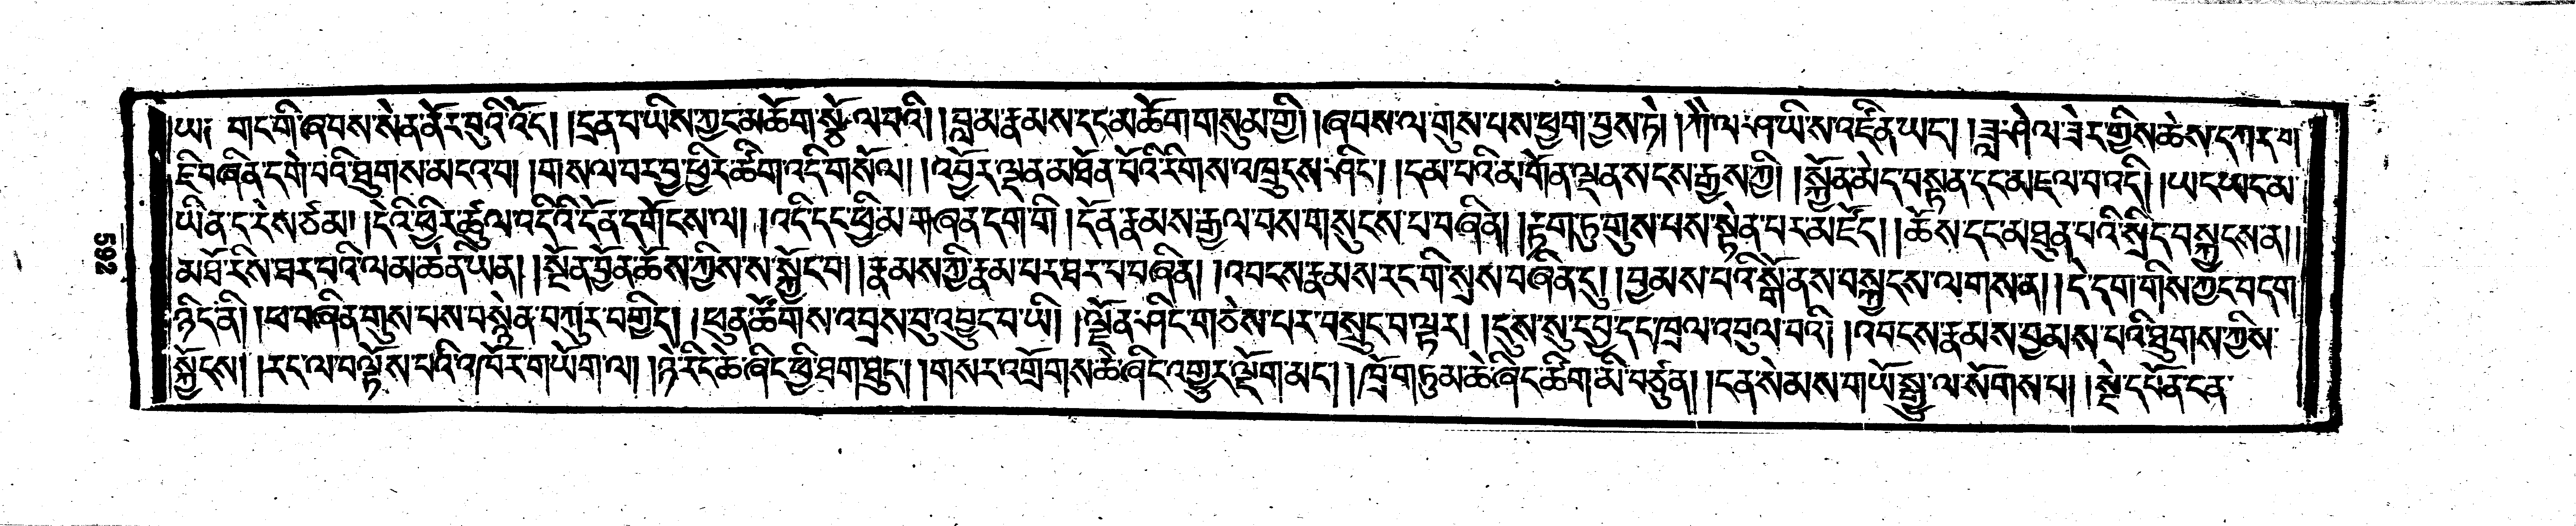ཡ༑ གང་གི་ཞབས་སེན་ནོར་བུའི་འོད། །དྲན་པ་ཡིས་ཀྱང་མཆོག་སྩོལ་བའི། །བླ་མ་རྣམས་དང་མཆོག་གསུམ་གྱི། །ཞབས་ལ་གུས་པས་ཕྱག་བྱས་ཏེ། །ཀཻ་ལ་ཤ་ཡི་ས་འཛིན་ཡང་། །ཟླ་ཤེལ་ཟེར་གྱིས་ཆེས་དཀར་བ།།
ཇི་བཞིན་དགེ་བའི་ཐུགས་མངའ་བ། །གསལ་བར་བྱ་ཕྱིར་ཚིག་འདི་གསོལ། །འབྱོར་ལྡན་མཐོན་པོའི་རིགས་འཁྲུངས་ཤིང་། །དམ་པའི་མགོན་ལྡན་སངས་རྒྱས་ཀྱི། །སྐྱོན་མེད་བསྟན་དང་མཇལ་བ་འདི། །ཡང་ཡང་མ་
ཡིན་ད་རེས་ཙམ། །དེའི་ཕྱིར་ཚུལ་འདིའི་དོན་དགོངས་ལ། །འདི་དང་ཕྱི་མ་གཞན་དག་གི །དོན་རྣམས་རྒྱལ་བས་གསུངས་པ་བཞིན། །རྟག་ཏུ་གུས་པས་སྟེན་པར་མཛོད། །ཆོས་དང་མཐུན་པའི་སྲིད་བསྐྱངས་ན།།
མཐོ་རིས་ཐར་པའི་ལམ་ཆེན་ཡིན། །སྔོན་བྱོན་ཆོས་ཀྱིས་ས་སྐྱོང་བ། །རྣམས་ཀྱི་རྣམ་པར་ཐར་པ་བཞིན། །འབངས་རྣམས་རང་གི་སྲས་བཞིན་དུ། །བྱམས་པའི་སྒོ་ནས་བསྐྱངས་ལགས་ན། །དེ་དག་གིས་ཀྱང་བདག་
ཉིད་ནི། །ཕ་བཞིན་གུས་པས་བསྙེན་བཀུར་བགྱིད། །ཕུན་ཚོགས་འབྲས་བུ་འབྱུང་བ་ཡི། །ལྗོན་ཤིང་གཅེས་པར་བསྲུང་བ་ལྟར། །དུས་སུ་དཔྱ་དང་ཁྲལ་འབུལ་བའི། །འབངས་རྣམས་བྱམས་པའི་ཐུགས་ཀྱིས་
སྐྱོངས། །རང་ལ་བལྟོས་པའི་འཁོར་གཡོག་ལ། །ཉེ་རིང་ཆེ་ཞིང་ཕྱི་ཐག་ཐུང་། །གསར་འགྲོགས་ཆེ་ཞིང་འགྱུར་ལྡོག་མང་། །ཁྲོ་གཏུམ་ཆེ་ཞིང་ཚིག་མི་བཙུན། །ངན་སེམས་གཡོ་སྒྱུ་ལ་སོགས་པ། །སྡེ་དཔོན་ངན་